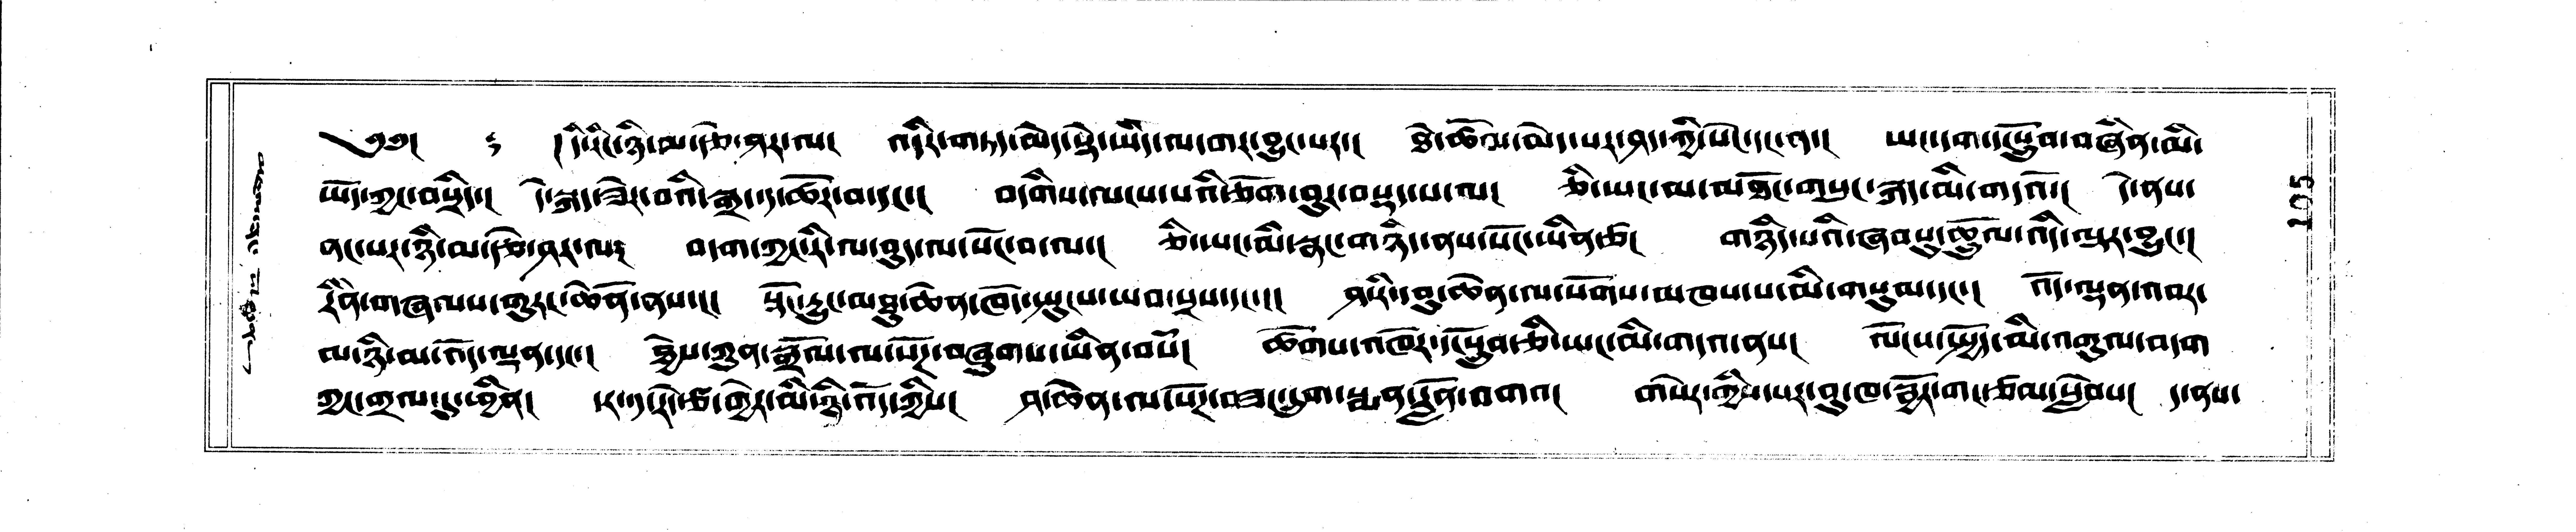དི་རིང་ཉི་མ་རྩེ་ཤར་ལ། འདིར་གཏད་མེད་སྡེ་ཡིད་ལ་གར་བྱུང་པར། ཐེ་ཚོམ་མེད་པར་ཤད་ཀྱི་སོང་དང་ན། ཡང་དག་དངོས་གྲུབ་བཞིན་མི་
ཡོད་ཀྱང་བསྲིད། དེ་སྐད་ཟེར་བའི་སྒྲ་གཅིག་ཚོར་བ་དང་། བདག་གིས་ལངས་པའི་ཅོག་བུར་བསྡད་པ་ལ། ཅི་ཡང་མ་མཐོང་གསུང་སྐད་མི་གདའོ། དེ་ནས་
ནང་པར་ཉི་མ་རྩེ་ཤར་ལ། བདག་ཀྱང་རི་ལ་བུད་ལ་སོང་བ་ལ། ཅི་ཡང་མི་སྣང་གཉིད་ནས་སོང་ཡིན་ཙ། གཉིད་པའི་ཞབས་སུ་ཆོ་འཕྲུལ་འདི་ལྟར་བྱུང་། 
རིན་ཆེན་གཞལ་ཡས་གུར་ཁང་ཆེན་པོ་ནས། སྟོང་རྒྱུང་མཐུ་ཆེན་ཁོད་སྤུངས་ཡབ་སྲས་དང་།། ཤ་རི་དབུ་ཆེན་ལ་སོགས་མཁས་པ་མི་གསུམ་དང་། འོད་ལྡན་འབར་
མ་ཉི་མ་འོད་ལྡན་དང་། ཐུགས་རྗེ་ཀུན་སྒྲོལ་ལ་སོགས་བཞུགས་ཡིན་བསམ། ཚོགས་འཁོར་དངོས་གྲུབ་ཅི་ཡང་མི་གདའ་ནས། ལོངས་སྤྱོད་མི་འགུལ་བདག་
ཀྱང་གྲལ་དུ་ཕྱིན། དར་གཅིག་རེ་ཙ་གྱེར་མི་ཉི་འོད་ཀྱིས། ཤ་ཆེན་ལ་སོགས་བཟང་དྲུག་སྨན་རློན་འགའ། གསེར་གྱིས་པར་བུ་ཁ་སྦྱོར་གང་ཙམ་སླེབས། དེ་ནས་